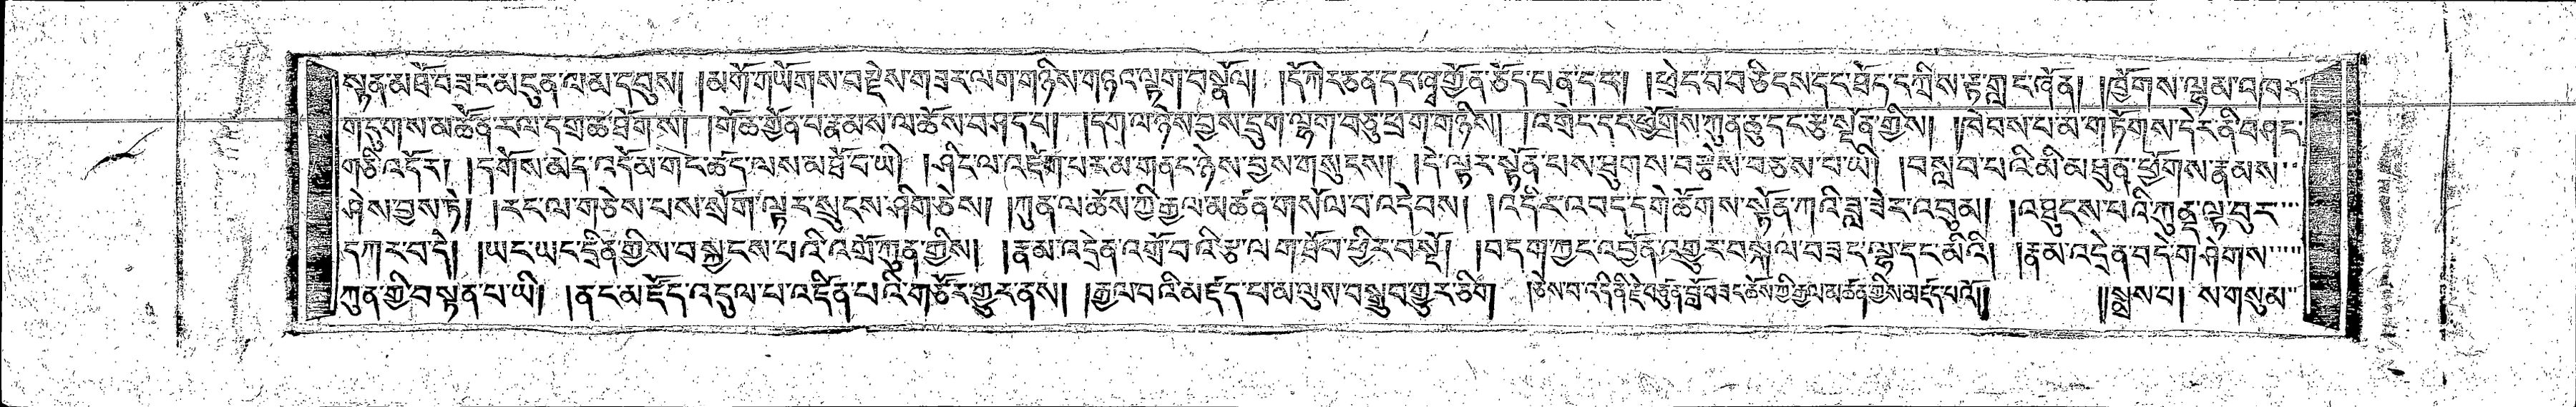སྟན་མཐོ་བཟང་མདུན་ལམ་དབུས། །མགོ་གཡོགས་བརྫེས་གཟར་ལག་གཉིས་གཉའ་ལྟག་བསྣོལ། །དོ་ཀེར་ཅན་དང་ཞྭ་གྱོན་ཅོད་པན་དང་། །ཕྲེང་བ་བཅིངས་དང་ཐོད་དཀྲིས་རྟ་གླང་ཞོན། །ཁྱོགས་ལྷམ་འཁར་
གདུགས་མཚོན་རལ་དགྲ་ཆ་ཐོགས། །གོ་ཆ་གྱོན་པ་རྣམས་ལ་ཆོས་བཤད་པ། །དག་ལ་ཉེས་བྱས་དྲུག་ལྷག་བཅུ་ཕྲག་གཉིས། །འགྲེང་དང་ཕྱོགས་ཀུན་ཆུ་དང་རྩ་སྔོན་གྱིས། །ཁེབས་པ་མ་གཏོགས་དེར་ནི་བཤད་
གཅི་འདོར། །དགོས་མེད་འདོམ་གང་ཚད་ལས་མཐོ་བ་ཡི། །ཤིང་ལ་འཛེག་པར་མ་གནང་ཉེས་བྱས་གསུངས། །དེ་ལྟར་སྟོན་པས་ཐུགས་བརྩེས་བཅས་པ་ཡི། །བསླབ་པའི་མི་མཐུན་ཕྱོགས་རྣམས་
ཤེས་བྱས་ཏེ། །རང་ལ་གཅེས་པས་སྲོག་ལྟར་སྲུངས་ཤིག་ཅེས། །ཀུན་ལ་ཆོས་ཀྱི་རྒྱལ་མཚན་གསོལ་བ་འདེབས། །འདིར་འབད་དགེ་ཚོགས་སྟོན་ཀའི་ཟླ་ཟེར་འབུམ། །འཐུངས་པའི་ཀུན་ད་ལྟ་བུར་
དཀར་བ་དེ། །ཡང་ཡང་དྲིན་གྱིས་བསྐྱངས་པའི་འགྲོ་ཀུན་གྱིས། །རྣམ་འདྲེན་འགྲོ་བའི་རྩ་ལག་ཐོབ་ཕྱིར་བསྔོ། །བདག་ཀྱང་འབྱོན་འགྱུར་བསྐལ་བཟང་ལྷ་དང་མིའི། །རྣམ་འདྲེན་བདེ་གཤེགས་
ཀུན་གྱི་བསྟན་པ་ཡི། །ནང་མཛོད་འདུལ་པ་འཛིན་པའི་གཙོར་གྱུར་ནས། །རྒྱལ་བའི་མཛད་པ་མ་ལུས་བསྒྲུབ་གྱུར་ཅིག །ཅེས་བ་འདི་ནི་རྗེ་བཙུན་བློ་བཟང་ཆོས་ཀྱི་རྒྱལ་མཚན་གྱིས་མཛད་པའོ།། །།སྨྲས་པ། ས་གསུམ་